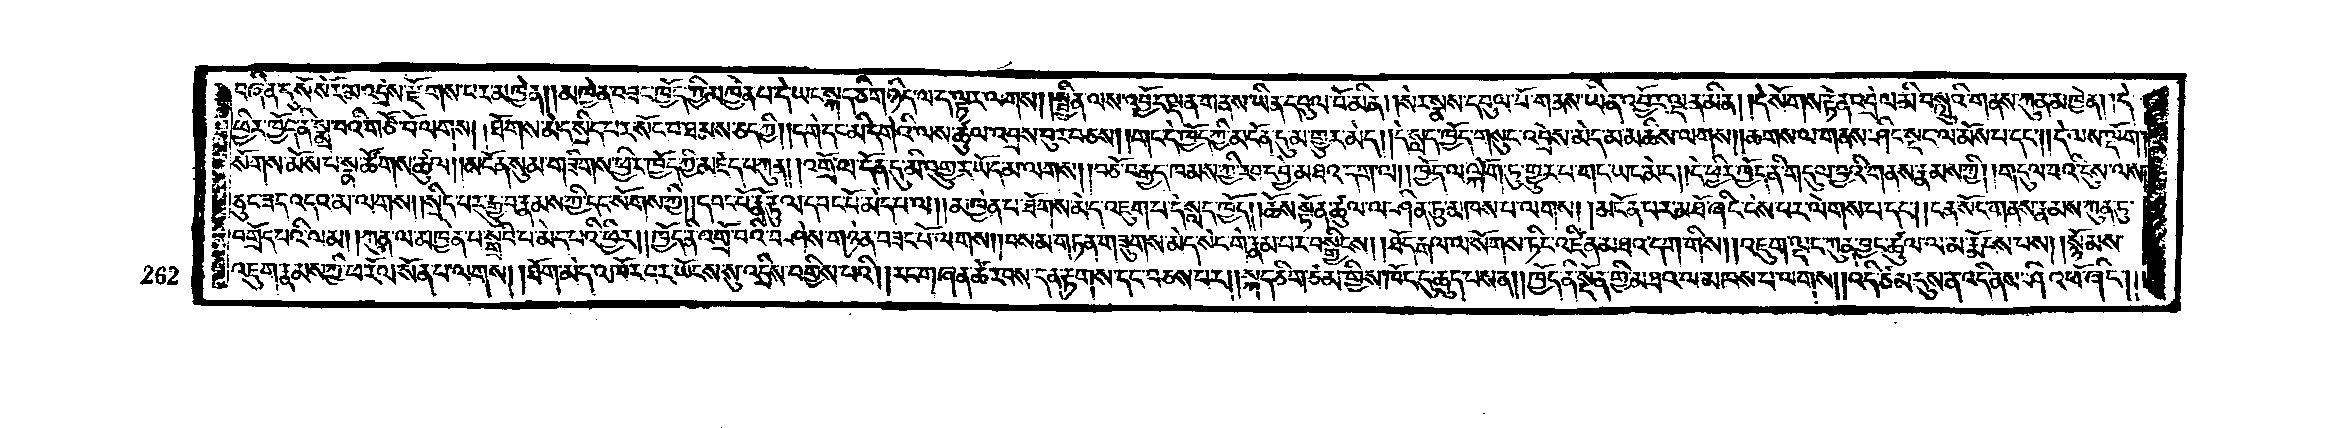བཞིན་དུ་སོ་སོར་མ་འདྲེས་རྫོགས་པར་མཁྱེན། །མཁྱེན་བཟང་ཁྱོད་ཀྱི་མཁྱེན་པ་དེ་ཡང་སྐད་ཅིག་ཉིད་ལ་དེ་ལྟར་ལགས། །སྦྱིན་ལས་འབྱོར་ལྡན་གནས་ཡིན་དབུལ་པོ་མིན། །སེར་སྣས་དབུལ་པོ་གནས་ཡིན་འབྱར་ལྡན་མིན། །དེ་སོགས་རྟེན་འབྲེལ་མི་བསླུའི་གནས་ཀུན་མཁྱེན། །དེ་
ཕྱིར་ཁྱོད་ནི་སྨྲ་བའི་གཙོ་བོ་ལགས། །ཐོགས་མེད་སིད་པར་སོང་བ་ཐམས་ཅད་ཀྱི། །དགེ་དང་མི་དགེའི་ལས་ཚུལ་འབྲས་བུར་བཅས། །གང་དེ་ཁྱོད་ཀྱི་མངོན་དུ་མ་གྱུར་མེད། །དེ་སླད་ཁྱོད་གསུང་འབྲེས་མེད་མ་མཆིས་ལགས། །ཆགས་ལ་གནས་ཤིང་སྡང་ལ་མོས་པ་དང་། །དེ་ལས་ལྡོག་
སོགས་མོས་པ་སྣ་ཚོགས་ཚུལ། །མངོན་སུམ་གཟིགས་ཕྱིར་ཁྱོད་ཀྱི་མཛད་པ་ཀུན། །འགྲོ་ལ་དོན་དུ་མི་འགྱུར་ཡོད་མ་ལགས། །བཅོ་བརྒྱད་ཁམས་ཀྱི་རབ་དབྱེ་མཐའ་དག་ལ། །ཁྱོད་ལ་ལྐོག་ཏུ་གྱུར་པ་གང་ཡང་མེད། །དེ་ཕྱིར་ཁྱོད་ནི་གདུལ་བྱའི་གནས་རྣམས་ཀྱི། །གདུལ་བའི་དུས་ལས་
ཅུང་ཟད་འདའ་མ་ལགས། །སྲིད་པར་རྒྱུ་བ་རྣམས་ཀྱི་དང་སོགས་ཀྱི། །དབང་པོ་རྣོ་རྟུལ་དབང་པོ་མེད་པ་ལ། །མཁྱེན་པ་ཐོགས་མེད་འཇུག་པ་དེ་སླད་ཁྱོད། །ཆོས་སྟོན་ཚུལ་ལ་ཤིན་ཏུ་མཁས་པ་ལགས། །མངོན་པར་མཐོ་ཞིང་ངེས་པར་ལེགས་པ་དང་། །ངན་སོང་གནས་རྣམས་ཀུན་ཏུ་
འགྲོད་པའི་ལམ། །ཀུན་ལ་མཁྱེན་པ་སྒྲིབ་པ་མེད་པའི་ཕྱིར། །ཁྱོད་ནི་འགྲོ་བའི་བཤེས་གཉེན་བཟང་པོ་ལགས། །བསམ་གཏན་གཟུགས་མེད་སེང་གེ་རྣམ་པར་བསྒྱིངས། །ཐོད་རྒལ་ལ་སོགས་ཏིང་འཛིན་མཐའ་དག་གིས། །འཇུག་ལྡང་ཀུན་བྱང་ཚུལ་ལ་མ་རྨོངས་པས། །སྙོམས་
འཇུག་རྣམས་ཀྱི་ཕ་རོལ་སོན་པ་ལགས། །ཐོག་མེད་འཁོར་བར་ཡོངས་སུ་འདྲིས་བགྱིས་པའི། །རང་གཞན་ཚེ་རབས་དན་རྟགས་དང་བཅས་པར། །སྐད་ཅིག་ཙམ་གྱིས་ཁོང་དུ་ཆུད་པས་ན། །ཁྱོད་ནི་སྔོན་གྱི་མཐའ་ལ་མཁས་པ་ལགས། །འདི་ཙམ་དུས་ན་འདི་ནས་ཤི་འཕོ་ཞིང་། །